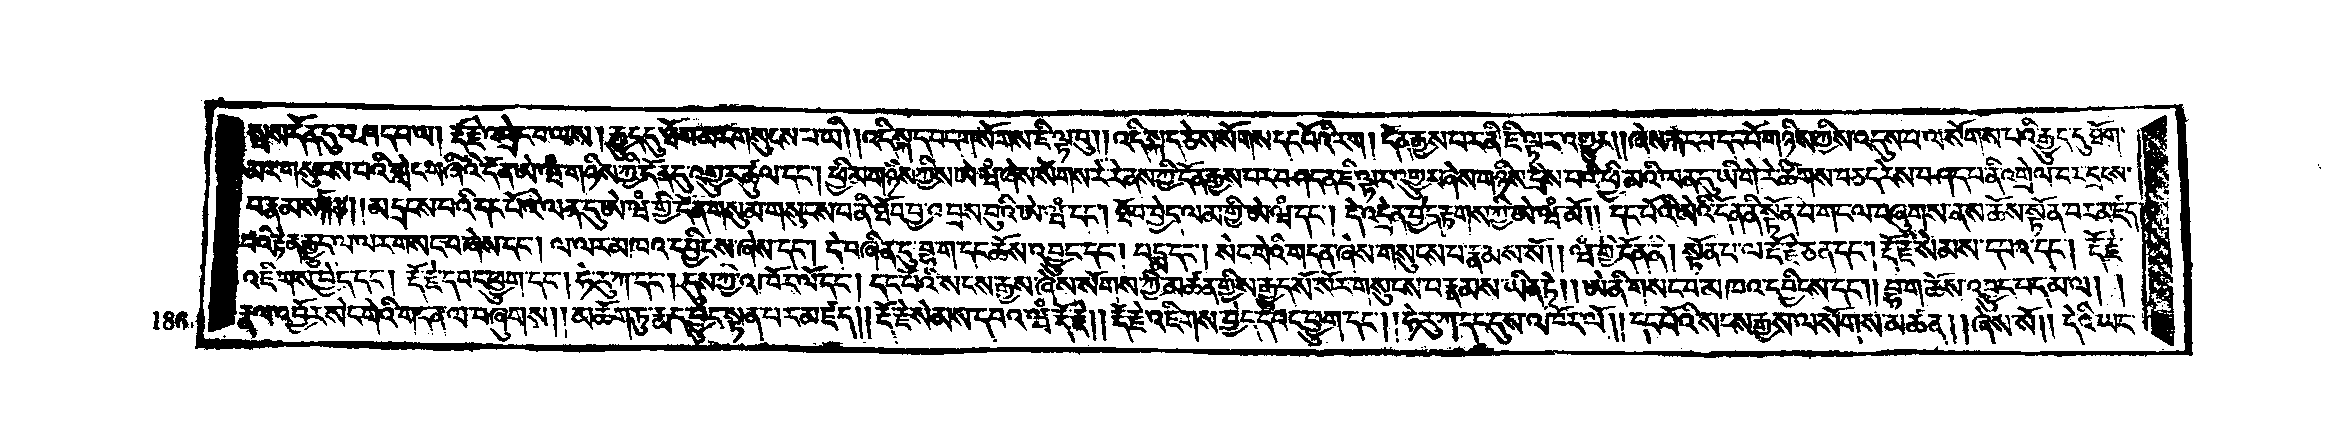སྦས་དོན་དུ་བཤད་པ་ལ། རྡོ་རྗེ་འཕྲེང་བ་ལས། རྒྱུད་དུ་ཐོག་མར་གསུངས་པ་ཡི། །འདི་སྐད་བདག་སོགས་ཇི་ལྟ་བུ། །འདི་སྐད་ཅེས་སོགས་དང་པོའི་ངག །དོན་རྒྱས་པར་ནི་ཇི་ལྟར་འགྱུར། །ཞེས་རྐང་པ་དང་པོ་གཉིས་ཀྱིས་འདུས་པ་ལ་སོགས་པའི་རྒྱུད་དུ་ཐོག་
མར་གསུངས་པའི་གླེང་གཞིའི་དོན་ཨེ་ཝཾ་གཉིས་ཀྱི་དོན་དུ་འགྱུར་ཚུལ་དང་། ཕྱི་མ་གཉིས་ཀྱིས་ཨེ་ཝཾ་ཞེས་སོགས་རེ་རེ་ནས་ཀྱི་དོན་རྒྱས་པར་བཤད་ན་ཇི་ལྟར་འགྱུར་ཞེས་གཉིས་དྲིས་པའི་ཕྱི་མའི་ལན་དུ་ཡི་གེ་རེ་ཚིགས་བཅད་རེས་བཤད་པ་ནི་འགྲེལ་བར་དྲངས་
པ་རྣམས་སོ།། ༈ །།མ་དྲངས་པའི་དང་པོའི་ལན་དུ་ཨེ་ཝཾ་གྱི་དོན་གསུམ་གསུངས་པ་ནི་ཐོབ་བྱ་འབྲས་བུའི་ཨེ་ཝཾ་དང་། ཐོབ་བྱེད་ལམ་གྱི་ཨེ་ཝཾ་དང་། དེ་འདྲེན་བྱེད་རྟགས་ཀྱི་ཨེ་ཝཾ་མོ། །དང་པོའི་ཨེའི་དོན་ནི་སྟོན་པ་གང་ལ་བཞུགས་ནས་ཆོས་སྟོན་བར་མཛད་
པའི་རྟེན་རྒྱུད་ལ་ལར་གསང་བ་ཞེས་དང་། ལ་ལར་མཁའ་དབྱིངས་ཞེས་དང་། དེ་བཞིན་དུ་བྷ་ག་དང་ཆོས་འབྱུང་དང་། པདམ་དང་། སེང་གེའི་གདན་ཞེས་གསུངས་པ་རྣམས་སོ། །ཝཾ་གྱི་དོན་ནི། སྟོན་པ་ལ་རྡོ་རྗེ་ཅན་དང་། རྡོ་རྗེ་སེམས་དཔའ་དང་། རྡོ་རྗེ་
འཇིགས་བྱེད་དང་། རྡོ་རྗེ་དབང་ཕྱུག་དང་། ཧེ་རུ་ཀ་དང་། དུས་ཀྱི་འཁོར་ལོ་དང་། དང་པོའི་སངས་རྒྱས་ཞེས་སོགས་ཀྱི་མཚན་གྱིས་རྒྱུད་སོ་སོར་གསུངས་པ་རྣམས་ཡིན་ཏེ། །ཨེ་ནི་གསང་བ་མཁའ་དབྱིངས་དང་། །བྷ་ག་ཆོས་འབྱུང་པད་མ་ལ། །
རྣལ་འབྱོར་སེང་གེའི་གདན་ལ་བཞུགས། །མཆོག་ཏུ་རྨད་བྱུང་སྟན་པར་མཛད། །རྡོ་རྗེ་སེམས་དཔའ་ཝཾ་རྡོ་རྗེ། །རྡོ་རྗེ་འཇིགས་བྱེད་དབང་ཕྱུག་དང་། །ཧེ་རུ་ཀ་དང་དུས་འཁོར་ལོ། །དང་པོའི་སངས་རྒྱས་ལ་སོགས་མཚན། །ཞེས་སོ། །དེའི་ཡང་